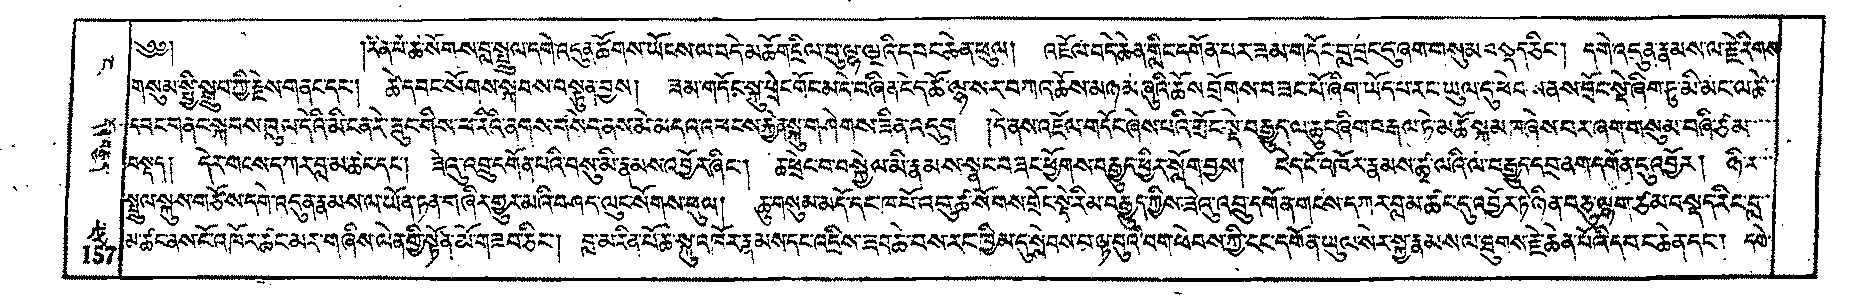༄༅། །རིན་པོ་ཆེ་སོགས་བླ་སྤྲུལ་དགེ་འདུན་ཚོགས་ཡོངས་ལ་བདེ་མཆོག་དྲིལ་བུ་ལྷ་ལྔའི་དབང་ཆེན་ཕུལ། འཇོལ་བདེ་ཆེན་གླིང་དགོན་པར་ཟམ་གདོང་བླ་བྲང་དུ་ཞག་གསུམ་བསྡད་ཅིང་། དགེ་འདུན་རྣམས་ལ་རྗེ་རིགས་
གསུམ་སྤྱི་སྒྲུབ་ཀྱི་རྗེས་གནང་དང་། ཚེ་དབང་སོགས་སྐབས་བསྟུན་བྱས། ཟམ་གདོང་སྐུ་ཕྲེང་གོང་མ་དེ་བཞིན་ངེད་ཚོ་ལྷ་སར་བཀའ་ཆོས་མཉམ་ཞུའི་ཆོས་གྲོགས་བཟང་པོ་ཞིག་ཡོད་པ་རང་ཡུལ་དུ་ཕེབས་ནས་གྲོང་སྡེ་ཞིག་ཏུ་མི་མང་ལ་ཚེ་
དབང་གནང་སྐབས་ཁུལ་དེའི་མི་ངན་རེ་ཟུང་གིས་ཕ་རིའི་ནགས་གསེབ་ནས་མེ་མདའ་འཕངས་རྐྱེན་སྐུ་གཤེགས་ཟིན་འདུག །དེ་ནས་འཇོལ་གདོང་ཞེས་པའི་གྲོང་སྡེ་བརྒྱུད་ལ་ཆུང་ཞིག་བརྒལ་ཏེ་མཚོ་སྐམ་ཁ་ཞེས་པར་ཞག་གསུམ་བཞི་ཙམ་
བསྡད། དེར་གངས་དཀར་བླ་མ་ཚང་དང་། ཟེའུ་འབྲུ་དགོན་པའི་བསུ་མི་རྣམས་འབྱོར་ཞིང་། ཆ་ཕྲེང་བ་བསྐྱེལ་མི་རྣམས་སྣང་བཟང་ཕྱོགས་བརྒྱུད་ཕྱིར་སློག་བྱས། ངེད་ངོ་འཁོར་རྣམས་ཚྭ་ལའི་ལ་བརྒྱུད་དབྲ་ནག་དགོན་དུ་འབྱོར། ཉི་ར་
སྤྲུལ་སྐུས་གཙོས་དགེ་འདུན་རྣམས་ལ་ཡོན་ཏན་གཞིར་གྱུར་མའི་བཤད་ལུང་སོགས་ཕུལ། ཆུ་གསུམ་མདོ་དང་ཁ་པོ་འབུ་ཚ་སོགས་གྲོང་སྡེ་རིམ་བརྒྱུད་ཀྱིས་ཟེའུ་འབྲུ་དགོན་གངས་དཀར་བླ་མ་ཚང་དུ་འབྱོར་ཏེ་ཉིན་བཅུ་ལྷག་ཙམ་བསྡད་རིང་བླ་
མ་ཚང་ནས་ངོ་འཁོར་ཚང་མར་གཞིས་ལེན་གྱི་སྟོན་མོ་གཟབ་ཅིང་། བླ་མ་རིན་པོ་ཆེ་སྐུ་འཁོར་རྣམས་དང་འདྲིས་ཟབ་ཆེ་བས་རང་ཁྱིམ་དུ་སླེབས་པ་ལྟ་བུའི་བག་ཕེབས་ཀྱི་ངང་དགོན་ཡུལ་སེར་སྐྱ་རྣམས་ལ་ཐུགས་རྗེ་ཆེན་པོའི་དབང་ཆེན་དང་། དགེ་